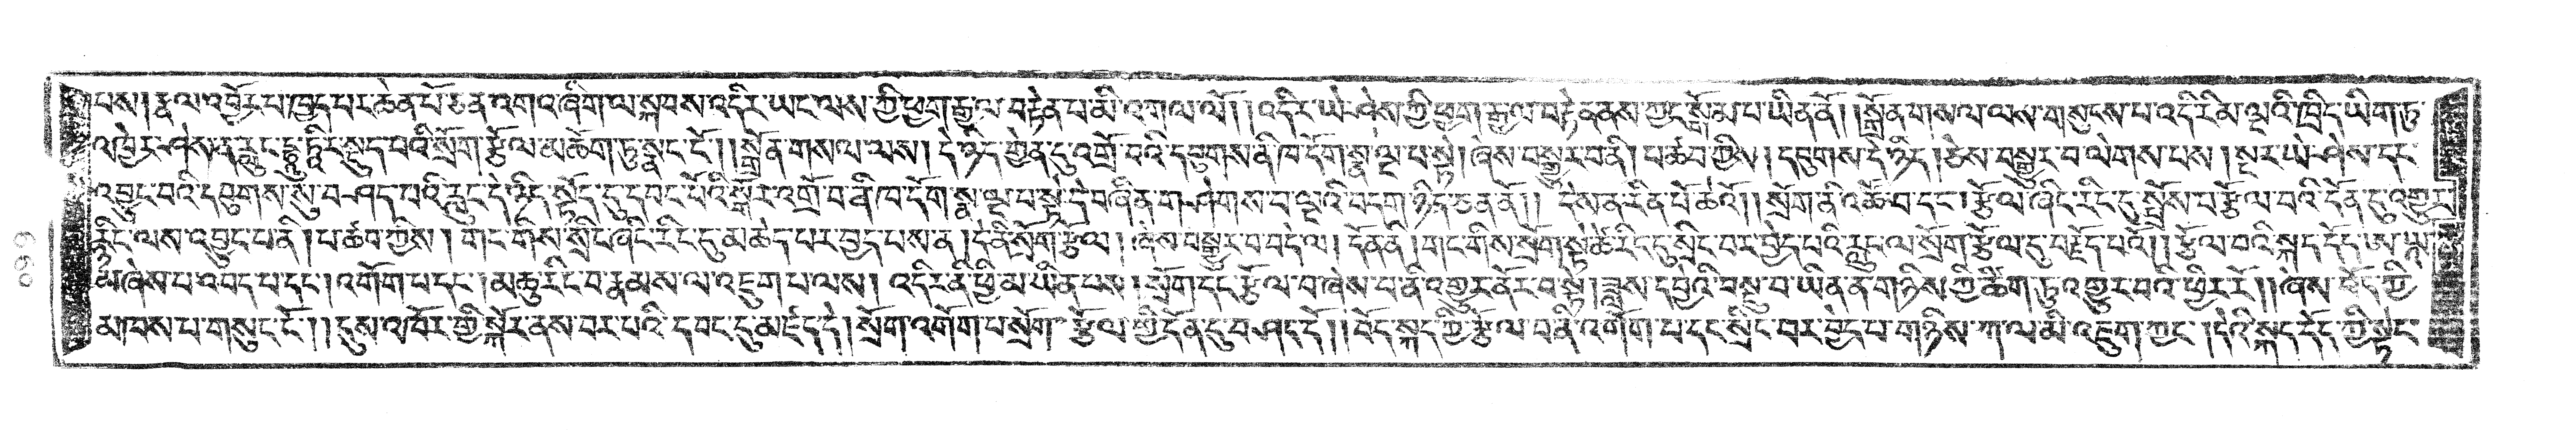པས། རྣལ་འབྱོར་པ་ཁྱད་པར་ཆེན་པོ་ཅན་འགའ་ཞིག་ལ་སྐབས་འདིར་ཡང་ལས་ཀྱི་ཕྱག་རྒྱ་ལ་བརྟེན་པ་མི་འགལ་ལོ། །འདིར་ཡེ་ཤེས་ཀྱི་ཕྱག་རྒྱ་ལ་བརྟེན་ནས་ཀྱང་སྒོམ་པ་ཡིན་ནོ། །སྒྲོན་གསལ་ལས་གསུངས་པ་འདི་རིམ་ལྔའི་ཁྲིད་ཡིག་ཏུ་
འཁྱེར་ཤེས་ན་རླུང་དྷཱུ་ཏEར་སྡུད་པའི་སྲོག་རྩོལ་མཆོག་ཏུ་སྣང་ངོ། །སྒྲོན་གསལ་ལས། དེ་ཉིད་གྱེན་དུ་འགྲོ་བའི་དབུགས་ནི་ཁ་དོག་སྣ་ལྔ་པ་སྟེ། ཞེས་བསྒྱུར་བ་ནི། པ་ཚབ་ཀྱིས། དབུགས་དེ་ཉིད། ཅེས་བསྒྱུར་བ་ལེགས་པས། སྔར་ཡེ་ཤེས་དང་
འབྱུང་བའི་དབུགས་སུ་བཤད་པའི་རླུང་དེ་ཉིད་སྟོད་དུ་དབང་པོའི་སྒོར་འགྲོ་བ་ནི་ཁ་དོག་སྣ་ལྔ་པ་སྟེ་དེ་བཞིན་གཤེགས་པ་ལྔའི་བདག་ཉིད་ཅན་ནོ། །དེས་ན་རིན་པོ་ཆེའོ། །སྲོག་ནི་འཚོ་བ་དང་། རྩོལ་ཞིང་རིང་དུ་སྤྲོས་པ་རྩོལ་བའི་དོན་དུ་འགྱུར་
རྙིང་ལས་འབྱུང་བ་ནི། པ་ཚབ་ཀྱིས། གང་གིས་སྲིང་ཞིང་རིང་དུ་མཆེད་པར་བྱེད་པས་ན། དེ་ནི་སྲོག་རྩོལ། ཞེས་བསྒྱུར་བ་བདེ་ལ། དོན་ནི། གང་གིས་སྲོག་སྟེ་ཚེ་རིང་དུ་སྲིང་བར་བྱེད་པའི་རླུང་ལ་སྲོག་རྩོལ་དུ་བརྗོད་པའོ། །རྩོལ་བའི་སྐད་དོད་ཨ་ཡཱ་
མ་ཞེས་པ་འབོད་པ་དང་། འགོག་པ་དང་། མཆུ་རིང་བ་རྣམས་ལ་འཇུག་པ་ལས། འདིར་ནི་ཕྱི་མ་ཡིན་པས། སྲོག་དང་རྩོལ་བ་ཞེས་པ་ནི་འགྱུར་ནོར་བ་སྟེ། ཟླས་དབྱེའི་བསྡུ་བ་ཡིན་ན་གཉིས་ཀྱི་ཚིག་ཏུ་འགྱུར་བའི་ཕྱིར་རོ། །ཞེས་བོད་ཀྱི་
མཁས་པ་གསུང་ངོ། །དུས་འཁོར་གྱི་སྐོར་ནས་བར་པའི་དབང་དུ་མཛད་དེ། སྲོག་འགོག་པ་སྲོག་རྩོལ་གྱི་དོན་དུ་བཤད་དོ། །བོད་སྐད་ཀྱི་རྩོལ་བ་ནི་འགོག་པ་དང་སྲིང་བར་བྱེད་པ་གཉིས་ཀ་ལ་མི་འཇུག་ཀྱང་། དེའི་སྐད་དོད་ཀྱི་སྟེང་